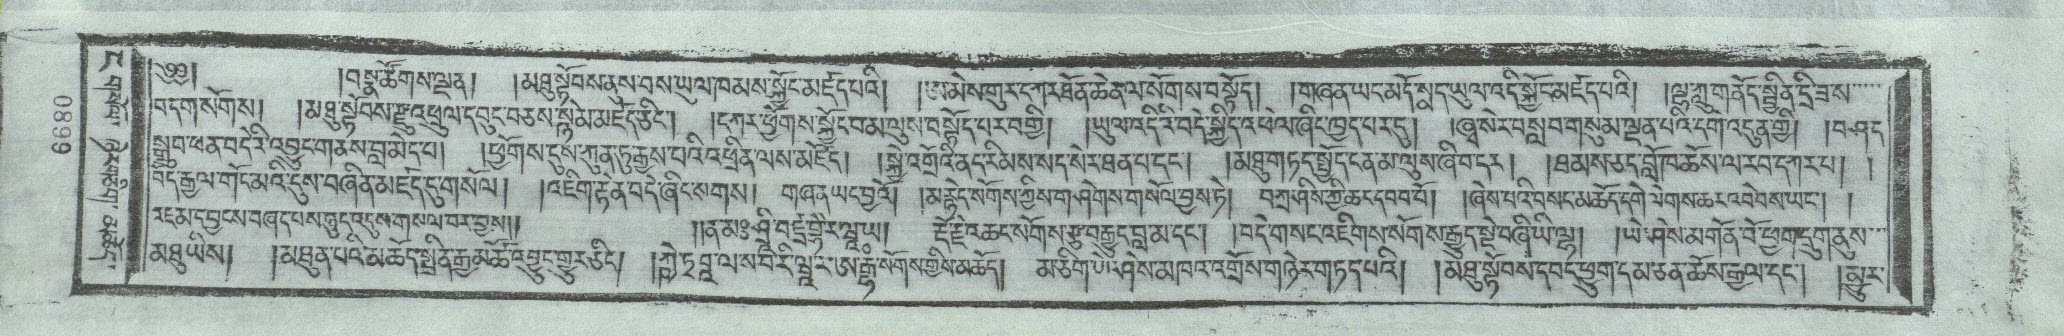༄༅། །བ་སྣ་ཚོགས་ལྡན། །མཐུ་སྟོབས་ནུས་བས་ཡུལ་ཁམས་སྐྱོང་མཛད་པའི། །ཨ་མེས་གུར་དཀར་ཐོན་ཆེན་ལ་སོགས་བསྟོད། །གཞན་ཡང་མདོ་སྨད་ཡུལ་འདི་སྐྱོང་མཛད་པའི། །ལྷ་ཀླུ་གནོད་སྦྱིན་དྲི་ཟས་
བདག་སོགས། །མཐུ་སྟོབས་རྫུ་འཕྲུལ་དབུང་བཅས་སྙེམ་མཛད་ཅིང་། །དཀར་ཕྱོགས་སྐྱོང་བ་མ་ལུས་བསྟོད་པར་བགྱི། །ཡུལ་འདིའི་བདེ་སྐྱིད་འཕེལ་ཞིང་ཁྱད་པར་དུ། །ཞྭ་སེར་བསླབ་གསུམ་ལྡན་པའི་དགེ་འདུན་གྱི། །བཤད་
སྒྲུབ་ཕན་བདེའི་འབྱུང་གནས་བླ་མེད་པ། །ཕྱོགས་དུས་ཀུན་ཏུ་རྒྱས་པའི་འཕྲིན་ལས་མཛོད། །སྐྱེ་འགྲོའི་ནད་རིམས་སད་སེར་ཐན་པ་དང་། །མཐུ་གཏད་སྦྱོད་ངན་མ་ལུས་ཞི་བ་དར། །ཐམས་ཅད་བློ་ཁ་ཆོས་ལ་རབ་དཀར་པ། །
བདེ་རྒྱལ་གོང་མའི་དུས་བཞིན་མཛད་དུ་གསོལ། །འཇིག་རྟེན་བདེ་ཞིང་སགས། གཞན་ཡང་བྱའོ། །མ་རྙེད་སོགས་ཀྱིས་གཤེགས་གསོལ་བྱས་ཏེ། བཀྲ་ཤིས་ཀྱི་ཆང་དབབ་པོ། །ཞེས་པའི་བསང་མཆོད་དགེ་ལེགས་ཆར་འབེབས་ཡང་། །
འཇམ་དབྱངས་བཞད་པས་ཉུད་འདུས་གསལ་བར་བྱས།། །།ན་མཿ ཤྲཱི་བཛྲ་བྷཻ་ར་ཝཱ་ཡ། རྡོ་རྗེ་འཆང་སོགས་རྩ་བརྒྱུད་བླ་མ་དང་། །བདེ་གསང་འཇིགས་སོགས་རྒྱུད་སྡེ་བཞི་ཡི་ལྷ། །ཡེ་ཤེས་མགོན་པོ་ཕྱག་དྲུག་ནུས་
མཐུ་ཡིས། །མཐུན་པའི་མཆོད་སྤྲིན་རྒྱ་མཚོ་འབྱུང་གྱུར་ཅིང་། །ཀྵེ་ཏྲ་བཱ་ལས་བ་རི་ཝཱ་ར་ཨརྒྷཾ་སོགས་གྱིས་མཆོད། མ་ཅིག་ཡེ་ཤེས་མཁའ་འགྲོས་གཉེར་གཏད་པའི། །མཐུ་སྟོབས་དབང་ཕྱུག་དམ་ཅན་ཆོས་རྒྱལ་དང་། །མྱུར་